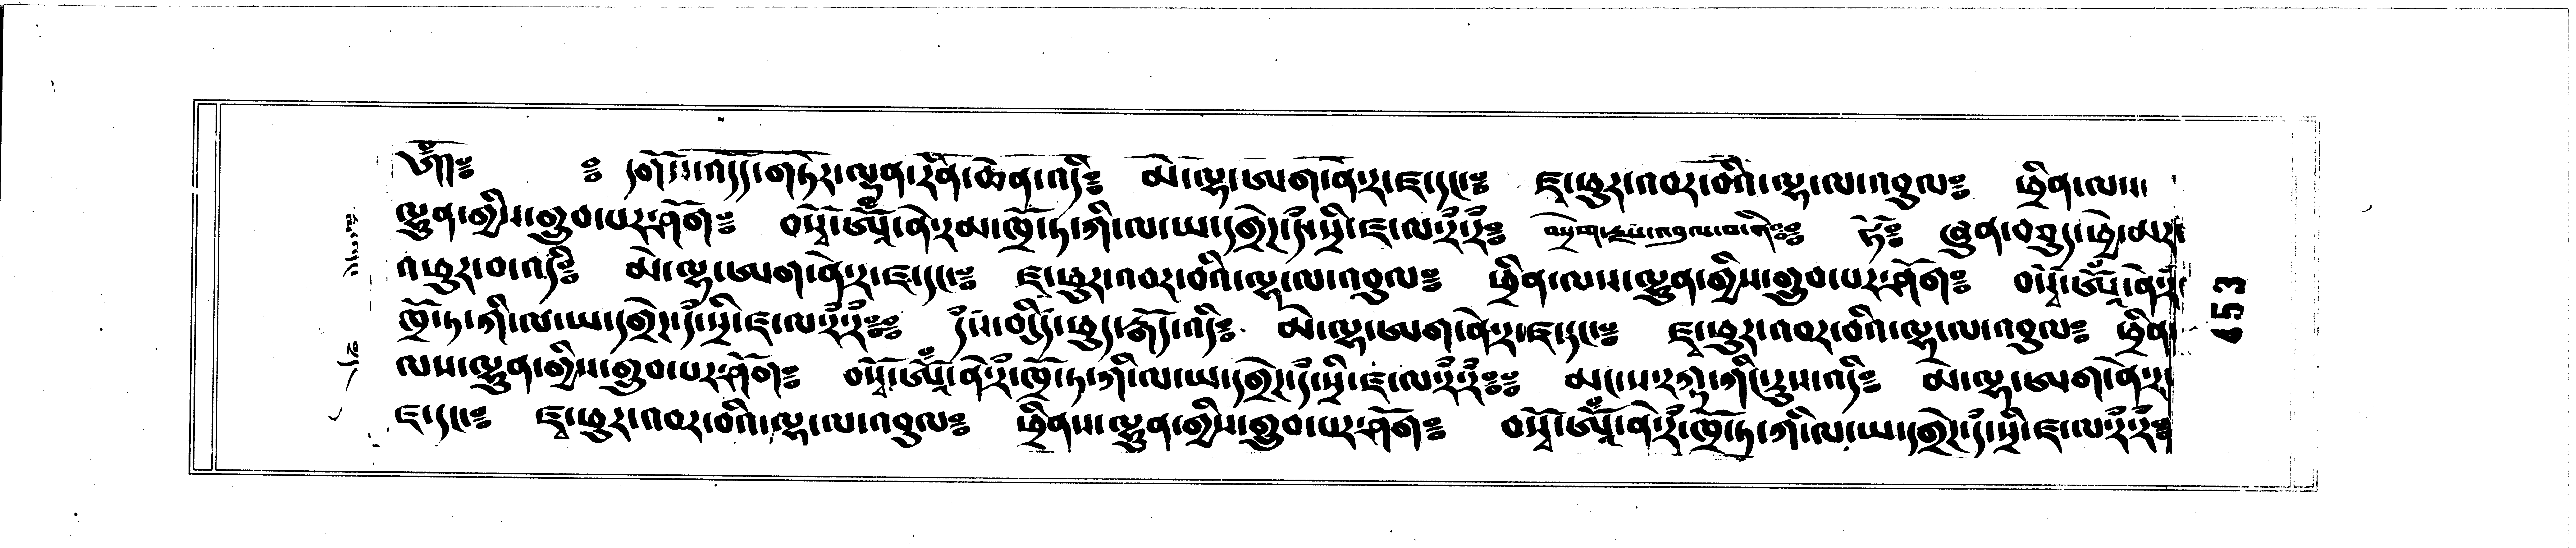༔དགོས་འདོད་གཏེར་ལྡན་རིན་ཆེན་འདི༔མེ་ལྷ་ཨག་ནེ་ར་ཛྭ་དང༔ཛྭ་ཕུར་འབར་བའི་ལྷ་ལ་འབུལ༔ཕྲིན་ལས་
ལྷུན་གྱིས་གྲུབ་པར་ཤོག༔བསྭོ་ཨཱོཾ་ནེ་རཾ་ཁྲོ་ཏ་ཀི་ལ་ཡ་དགྲེགས་དམ་སྲི་ཛ་ལ་རཾ་རཾ༔༔བསྲེག་རྫས་འབུལ་བ་ནི༔ཧོ༔ ཞུན་བཅུད་ཕྱེ་མར་
འཕུར་བ་འདི༔མེ་ལྷ་ཨག་ནེ་ར་ཛྭ་དང༔ཛྭ་ཕུར་འབར་བའི་ལྷ་ལ་འབུལ༔ཕྲིན་ལས་ལྷུན་གྱིས་གྲུབ་པར་ཤོག༔བསྭོ་ཨཱོཾ་ནེ་རཾ་
ཁྲོ་ཏ་ཀི་ལ་ཡ་དགྲེགས་དམ་སྲི་ཛ་ལ་རཾ་རཾ༔༔དམ་རྫས་བདུད་རྩི་ཕུད་རྒོད་འདི༔མེ་ལྷ་ཨག་ནེ་ར་ཛྭ་དང༔ཛྭ་ཕུར་འབར་བའི་ལྷ་ལ་འབུལ༔ཕྲིན་
ལས་ལྷུན་གྱིས་གྲུབ་པར་ཤོག༔བསྭོ་ཨཱོཾ་ནེ་རཾ་ཁྲོ་ཏ་ཀི་ལ་ཡ་དགྲེགས་དམ་སྲི་ཛ་ལ་རཾ་རཾ༔༔མང་ས་རཀྟ་ཀིང་རུས་འདི༔མེ་ལྷ་ཨག་ནེ་ར་
ཛྭ་དང༔ཛྭ་ཕུར་འབར་བའི་ལྷ་ལ་འབུལ༔ཕྲིན་ལས་ལྷུན་གྱིས་གྲུབ་པར་ཤོག༔བསྭོ་ཨཱོཾ་ནེ་རཾ་ཁྲོ་ཏ་ཀི་ལ་ཡ་དགྲེགས་དམ་སྲི་ཛ་ལ་རཾ་རཾ༔༔